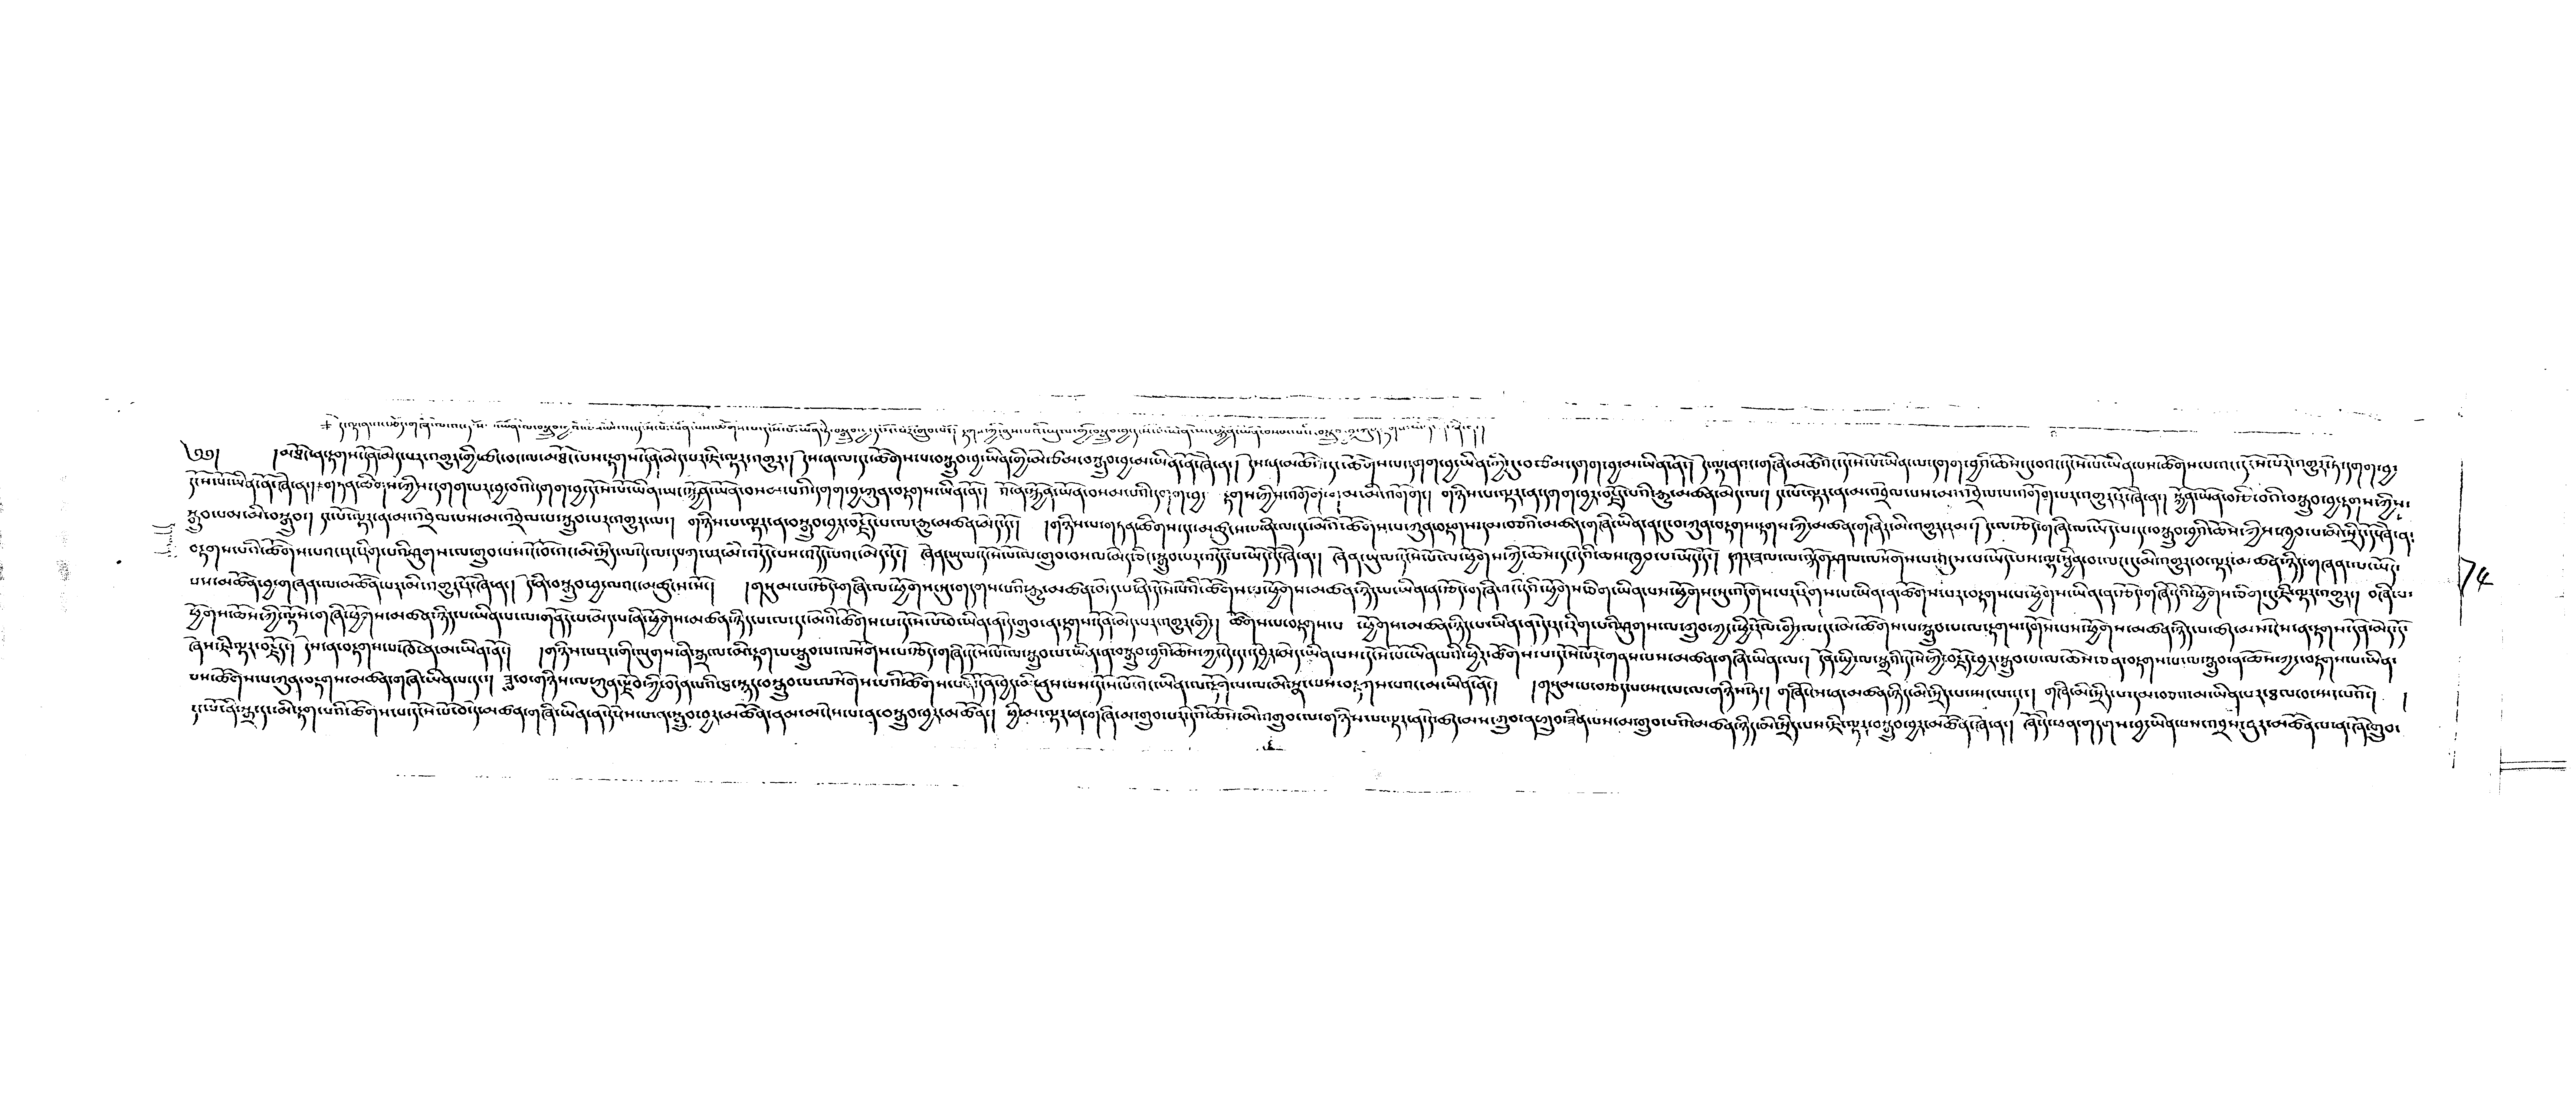༄༅། །མཐོང་ན་རྟགས་དོན་མེད་པར་འགྱུར་གྱི་ཚང་བ་ལ་མཐོང་པས་རྟགས་དོན་མེད་པར་ཇི་ལྟར་འགྱུར། དེས་ན་ལ་དང་ཚོགས་པ་བསྒྲུབ་བྱ་ཡིན་གྱི་མེ་ཙམ་བསྒྲུབ་བྱ་མ་ཡིན་ནོ་ཞེ་ན། དེས་ན་མཚོས་དང་ཚོགས་པ་དགག་བྱ་ཡིན་གྱི་དུ་བ་ཙམ་དགག་བྱ་མ་ཡིན་ནོ། དེ་ལྟ་ནའང་གཞི་མཚོའང་དངོས་པོ་ཡིན་ལ་དགག་བྱའི་ཆོས་དུ་བའང་དངོས་པོ་ཡིན་པས་ཚོགས་པ་འང་དངོས་པོར་འགྱུར་ཏེ་དགག་བྱ་
དངོས་པོ་ཡིན་ནོ་ཞེ་ན། ?་གཏན་ཚིགས་ཀྱིས་དགག་པར་བྱ་བའི་དགག་བྱ་དངོས་པོ་ཡིན་ཡང་སྐྱོན་ཡོན་བསམ་པའི་དགག་བྱ་ཀུན་བརྟགས་ཡིན་ནོ། འོ་ན་སྐྱོན་ཡོན་བསམ་པའི་དགག་བྱ་རྟགས་ཀྱིས་འགོག་གམ་མི་འགོག། གཉིས་པ་ལྟར་ན་དགག་བྱར་བརྗོད་པའི་རྒྱུ་མཚན་མེད་ལ། དང་པོ་ལྟར་ན་མ་འབྲེལ་པས་མ་འབྲེལ་པ་འགོག་པར་འགྱུར་རོ་ཞེ་ན། སྐྱོན་ཡོན་བརྩི་བའི་བསྒྲུབ་བྱ་རྟགས་ཀྱིས་
སྒྲུབ་པམ་མི་བསྒྲུབ། དང་པོ་ལྟར་ན་མ་འབྲེལ་པས་མ་འབྲེལ་པ་སྒྲུབ་པར་འགྱུར་ལ། གཉིས་པ་ལྟར་ན་བསྒྲུབ་བྱར་བརྗོད་པ་ལ་རྒྱུ་མཚན་མེད་དོ། །གཉིས་པ་གཏན་ཚིགས་དང་མཚུངས་པ་ནི་ལ་དང་མེའི་ཚོགས་པ་ཀུན་བརྟགས་དམ་བཅའི་མཚན་གཞི་ཡིན་ན་དུ་བ་ཀུན་བརྟགས་རྟགས་ཀྱི་མཚན་གཞིར་མི་འགྱུར་རམ། དེ་ལ་རྩོད་གཞི་ལ་ཡོད་པ་དང་བསྒྲུབ་བྱའི་ཆོས་ཀྱིས་ཁྱབ་པ་མི་སྲིད་དོ་ཞེ་ན་
བརྟགས་པའི་ཚོགས་པའང་རང་རིག་པའི་ཤུགས་ལ་གྲུབ་པས་ངོ་བོ་འང་མི་སྲིད་ལ་དེ་ལ་དཔག་པར་མི་འདོད་པས་འདོད་པའང་མེད་དོ། ཞེན་ཡུལ་དངོས་པོ་ལ་གྲུབ་བསལ་མེད་ཅིང་སྒྲུབ་པར་འདོད་པ་ཡོད་དོ་ཞེ་ན། ཞེན་ཡུལ་དངོས་པོ་ལ་ཕྱོགས་ཀྱི་ཆོས་དང་དེའི་ཆས་ཁྱབ་པ་ཡོད་དོ། དཀར་ཟལ་ལ་ལྐོག་ཤལ་ལ་སོགས་པ་འདུས་པ་ཡོད་པས་ལྷ་སྦྱིན་བ་ལང་དུ་མི་འགྱུར་བ་ལྟར་མཚན་ཉིད་གཞན་ལ་ཡོད་
པས་མཚོན་བྱ་གཞན་ལ་མཚོན་པར་མི་འགྱུར་རོ་ཞེ་ན། དེ་ནི་བསྒྲུབ་བྱ་ལའང་མཚུངས་སོ། །གསུམ་པ་རྩོད་གཞི་ལ་ཕྱོགས་སུ་གདགས་པའི་རྒྱུ་མཚན་མེད་པ་ནི་དངོས་པོའི་ཚོགས་པ་ཕྱོགས་མཚན་ཉིད་པ་ཡིན་ན་རྩོད་གཞི་འང་དེའི་ཕྱོགས་ཅིག་ཡིན་པས་ཕྱོགས་སུ་འདོགས་པར་རིགས་པ་ཡིན་ན་ཚོགས་པར་བརྟགས་པ་ཕྱོགས་ཡིན་ན་རྩོད་གཞི་དེའི་ཕྱོགས་ཅིག་དུ་ཇི་ལྟར་འགྱུར། བཞི་པ་
ཕྱོགས་ཆོས་ཀྱི་ལྟོས་གཞི་ཕྱོགས་མཚན་ཉིད་པ་ཡིན་པ་ལ་གནོད་པ་མེད་པ་ནི་ཕྱོགས་མཚན་ཉིད་པ་ལ་དང་མེའི་ཚོགས་པ་དངོས་པོ་བ་ཡིན་ན་དེ་གྲུབ་ན་རྟགས་དོན་མེད་པར་འགྱུར་གྱི། ཚོགས་པ་བརྟགས་པ་ཕྱོགས་མཚན་ཉིད་པ་ཡིན་ན་དེ་རང་རིག་པའི་ཤུགས་ལ་གྲུབ་ཀྱང་ཕྱི་རོལ་གྱི་ལ་དང་མེ་ཚོགས་པ་སྒྲུབ་པ་ལ་རྟགས་དགོས་པས་ཕྱོགས་མཚན་ཉིད་པ་ཚད་མས་ངེས་ན་རྟགས་དོན་མེད་དོ་
ཞེས་ཇི་ལྟར་བརྗོད། དེས་ན་བརྟགས་པ་ཁོ་ན་མ་ཡིན་ནོ། །གཉིས་པ་རང་གི་ལུགས་ནི་སྒྲ་ལ་མི་རྟག་པ་སྒྲུབ་པ་ལ་སོགས་པ་རྩོད་གཞི་དངོས་པོ་ལ་སྒྲུབ་པ་ཡིན་ན་བསྒྲུབ་བྱའི་ཆོས་ཀྱང་དེ་དང་དབྱེར་མེད་ཡིན་པས་དངོས་པོ་ཡིན་པའི་ཕྱིར་ཚོགས་པ་དངོས་པོར་གནས་པས་མཚན་གཞི་ཡིན་ལ། དོན་སྤྱི་ལ་སྒྲའི་དངོས་ཀྱི་བརྗོད་བྱར་སྒྲུབ་པ་ལ་ཆོས་ཅན་བརྟགས་པ་ལ་སྒྲུབ་ན་ཆོས་ཀྱང་བརྟགས་པ་ཡིན་
པས་ཚོགས་པ་ཀུན་བརྟགས་མཚན་གཞི་ཡིན་པ་དང་། ཟླ་བ་གཉིས་ལ་ཀུན་རྫོབ་ཀྱི་བདེན་པའི་ཐ་སྙད་བསྒྲུབ་པ་ལ་སོགས་པའི་ཚོགས་པའི་དོན་བྱེད་མི་ནུས་པས་དངོས་པོ་འང་ཡིན་ལ་རྟོག་པ་ལ་མི་སྣང་པས་བརྟགས་པའང་མ་ཡིན་ནོ། །གསུམ་པ་བརྩད་པ་སྤང་པ་ལ་གཉིས་ཏེ། གཞི་ངེས་ན་མཚན་ཉིད་མི་སྲིད་པ་སྤང་པ་དང་། གཞི་མི་སྲིད་པ་དམ་བཅའ་མ་ཡིན་པར་ཐལ་བ་སྤང་པའོ། །
དང་པོ་ནི་སྒྲ་དང་མི་རྟག་པའི་ཚོགས་པ་དངོས་པོ་བ་དེ་མཚན་གཞི་ཡིན་ན་དེ་ངེས་པ་ན་སྒྲུབ་བྱར་མཚོན་ནམ་མ་ངེས་པ་ན་བསྒྲུབ་བྱར་མཚོན། ཕྱི་མ་ལྟར་ན་གཞི་མ་གྲུབ་པར་དེའི་ཆོས་མི་འགྲུབ་ལ་གཉིས་པ་ལྟར་ན་དེ་ཚད་མས་གྲུབ་ན་གྲུབ་ཟིན་པས་མ་གྲུབ་པའི་མཚན་ཉིད་མི་སྲིད་པས་ཇི་ལྟར་བསྒྲུབ་བྱར་མཚོན་ཞེ་ན། ཞོ་དེ་ཕན་གདགས་བྱ་ཡིན་པས་འབྲས་བུར་མཚོན་པ་ན་ཞོ་གྲུབ་